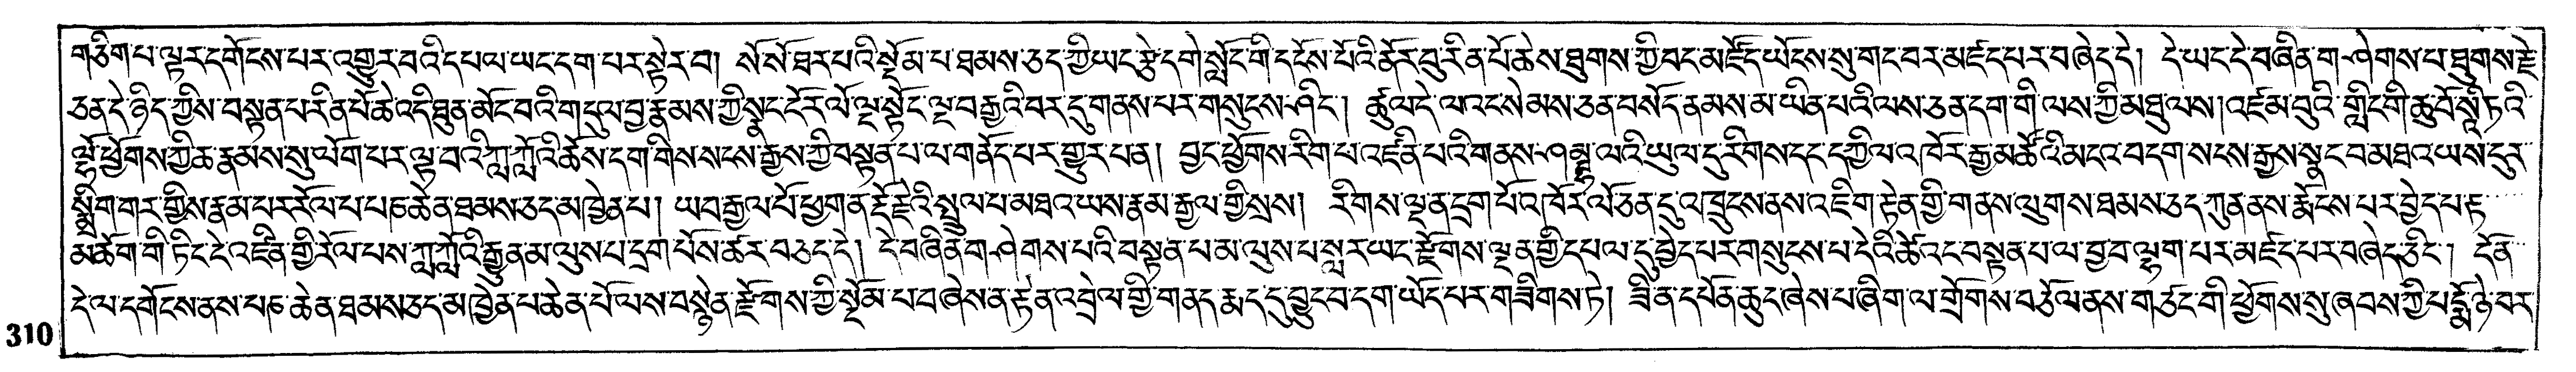གཅིག་པ་ལྟར་དགོངས་པར་འགྱུར་བའི་དཔལ་ཡང་དག་པར་སྟེར་བ། སོ་སོ་ཐར་པའི་སྡོམ་པ་ཐམས་ཅད་ཀྱི་ཡང་རྩེ་དགེ་སློང་གི་དངོས་པོའི་ནོར་བུ་རིན་པོ་ཆེས་ཐུགས་ཀྱི་བང་མཛོད་ཡོངས་སུ་གང་བར་མཛད་པར་བཞེད་དེ། དེ་ཡང་དེ་བཞིན་གཤེགས་པ་ཐུགས་རྗེ་
ཅན་དེ་ཉིད་ཀྱིས་བསྟན་པ་རིན་པོ་ཆེ་འདི་ཐུན་མོང་བའི་གདུལ་བྱ་རྣམས་ཀྱི་སྣང་ངོར་ལོ་ལྔ་སྟོང་ལྔ་བརྒྱའི་བར་དུ་གནས་པར་གསུངས་ཤིང་། ཚུལ་དེ་ལའང་སེམས་ཅན་བསོད་ནམས་མ་ཡིན་པའི་ལས་ཅན་དག་གི་ལས་ཀྱི་མཐུ་ལས། འཛམ་བུའི་གླིང་གི་ཆུ་བོ་སཱི་ཏའི་
ལྷོ་ཕྱོགས་ཀྱི་ཆ་རྣམས་སུ་ལོག་པར་ལྟ་བའི་ཀླ་ཀློའི་ཆོས་དག་གིས་སངས་རྒྱས་ཀྱི་བསྟན་པ་ལ་གནོད་པར་གྱུར་པ་ན། བྱང་ཕྱོགས་རིག་པ་འཛིན་པའི་གནས་ཤམྦྷ་ལའི་ཡུལ་དུ་རིགས་དང་དཀྱིལ་འཁོར་རྒྱ་མཚོའི་མངའ་བདག་སངས་རྒྱས་སྣང་བ་མཐའ་ཡས་དུར་
སྨྲིག་གར་གྱིས་རྣམ་པར་རོལ་པ་པཎ་ཆེན་ཐམས་ཅད་མཁྱེན་པ། ཡབ་རྒྱལ་པོ་ཕྱག་ན་རྡོ་རྗེའི་སྤྲུལ་པ་མཐའ་ཡས་རྣམ་རྒྱལ་གྱི་སྲས། རིགས་ལྡན་དྲག་པོ་འཁོར་ལོ་ཅན་དུ་འཁྲུངས་ནས་འཇིག་རྟེན་གྱི་གནས་ལུགས་ཐམས་ཅད་ཀུན་ནས་རྨོངས་པར་བྱེད་པ་རྟ་
མཆོག་གི་ཏིང་ངེ་འཛིན་ཕྱི་རོལ་པས་ཀླ་ཀློའི་རྒྱུན་མ་ལུས་པ་དྲག་པོས་ཚར་བཅད་དེ། དེ་བཞིན་གཤེགས་པའི་བསྟན་པ་མ་ལུས་པ་སླར་ཡང་རྫོགས་ལྡན་གྱི་དཔལ་དུ་བྱེད་པར་གསུངས་པ་དེའི་ཚེའང་བསྟན་པ་ལ་བྱ་བ་ལྷག་པར་མཛད་པར་བཞེད་ཅིང་། དོན་
དེ་ལ་དགོངས་ནས་པཎ་ཆེན་ཐམས་ཅད་མཁྱེན་པ་ཆེན་པོ་ལས་བསྙེན་རྫོགས་ཀྱི་སྡོམ་པ་བཞེས་ན་རྟེན་འབྲེལ་གྱི་གནད་རྨད་དུ་བྱུང་བ་དག་ཡོད་པར་གཟིགས་ཏེ། ཟིན་དཔོན་ཆུང་ཞེས་པ་ཞིག་ལ་གྲོགས་བཅོལ་ནས་གཙང་གི་ཕྱོགས་སུ་ཞབས་ཀྱི་པདམོ་ཉེ་བར་